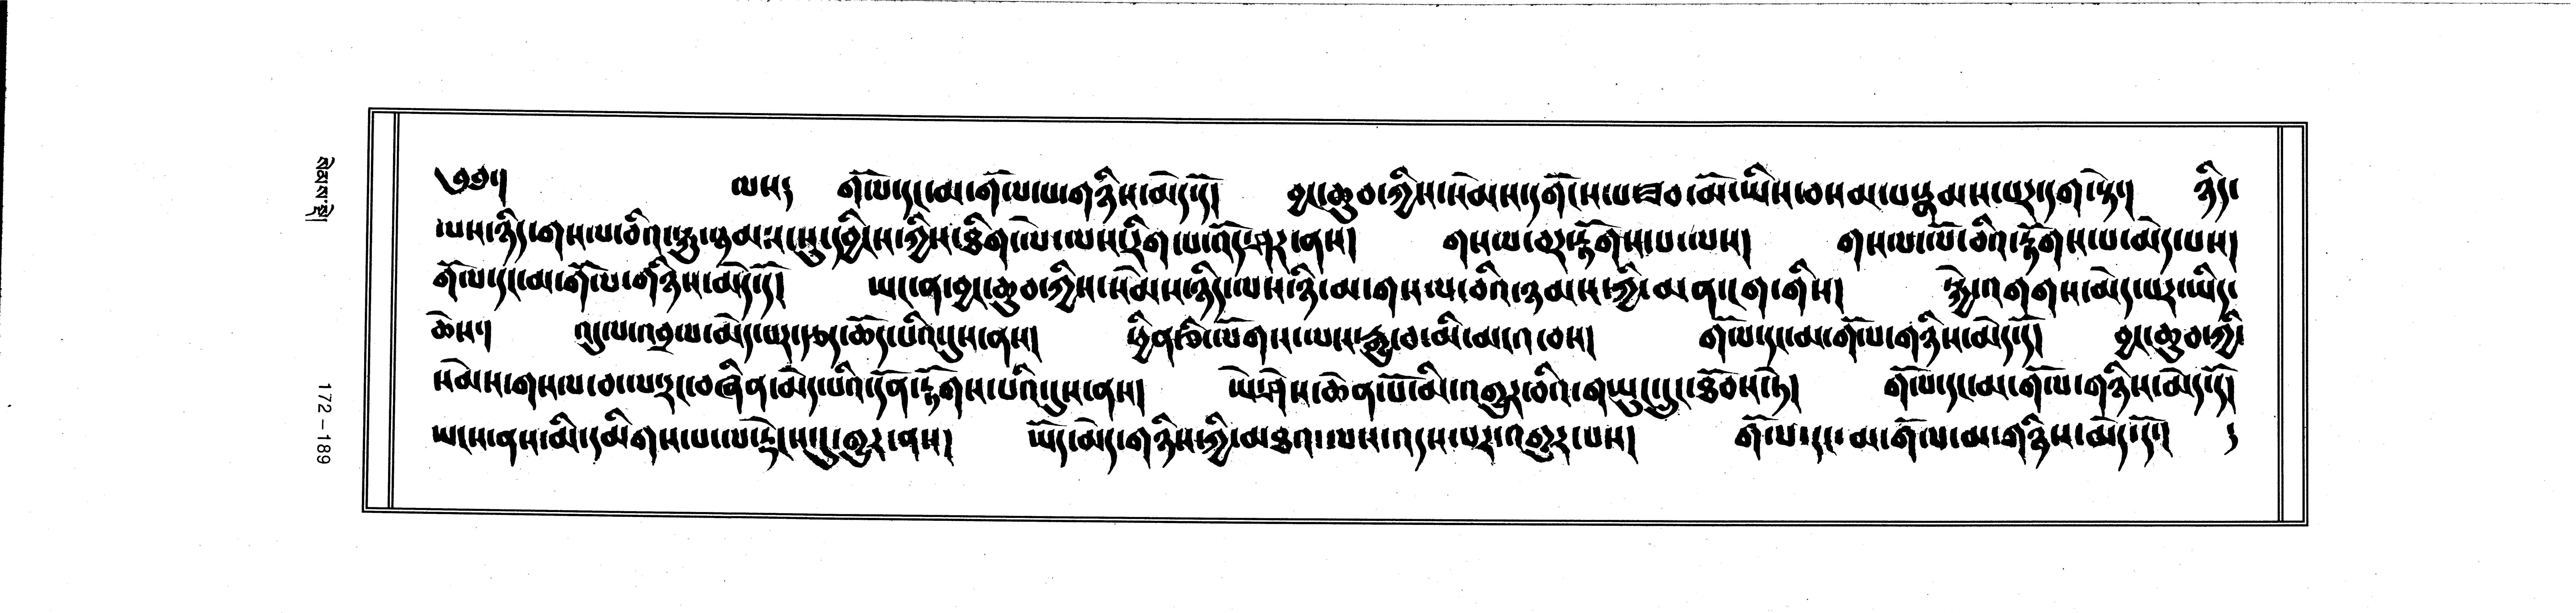ལས། གོལ་དང་མ་གོལ་གཉིས་མེད་དོ། བྱང་ཆུབ་ཀྱིས་སེམས་དགོངས་པ་ཟབ་མོ་ཡིས་བསམ་པ་རྣམ་པར་དག་སྟེ། ཉིད་
ལས་ཉིད་གསལ་བའི་སྐུ་ཉམས་སུ་དབྱིངས་ཀྱིས་ཐིག་ལེ་ལས་རིག་པ་འོད་ཤར་ནས། གསལ་བར་རྟོགས་པ་ལས། གསལ་ལོ་བའི་རྟོགས་པ་མེད་པས། 
གོལ་དང་མ་གོལ་གཉིས་མེད་དོ། ཡང་ན་བྱང་ཆུབ་ཀྱིས་སེམས་ཉིད་ལས་ཉི་མ་གསལ་བའི་ཉམས་ཀྱི་མན་ངག་གིས། སྐྱེ་འགགས་མེད་པར་ཡིད་
ཆེས། འདུལ་འབྲལ་མེད་པར་རྩད་ཆོད་པའི་དུས་ནས། ཕྱིན་ཅི་ལོག་ལས་རྒྱུ་བ་མི་མངའ་བས། གོལ་དང་མ་གོལ་གཉིས་མེད་དོ། བྱང་ཆུབ་ཀྱིས་
སེམས་གསལ་བ་ལ་རང་བཞིན་མེད་པའི་དོན་རྟོགས་པའི་དུས་ནས། ཡེ་ཤེས་ཆེན་པོ་མི་འགྱུར་བའི་གཡུང་དྲུང་ཐོབས་ཏེ། གོལ་དང་མ་གོལ་གཉིས་མེད་དོ། 
ཡང་ནས་མི་དམིགས་པ་ལ་གདེང་དུ་གྱུར་ནས། ཡོད་མེད་གཉིས་ཀྱི་མཐའ་ལས་འདས་པར་འགྱུར་པས། གོལ་དང་མ་གོལ་གཉིས་མེད་དོ།